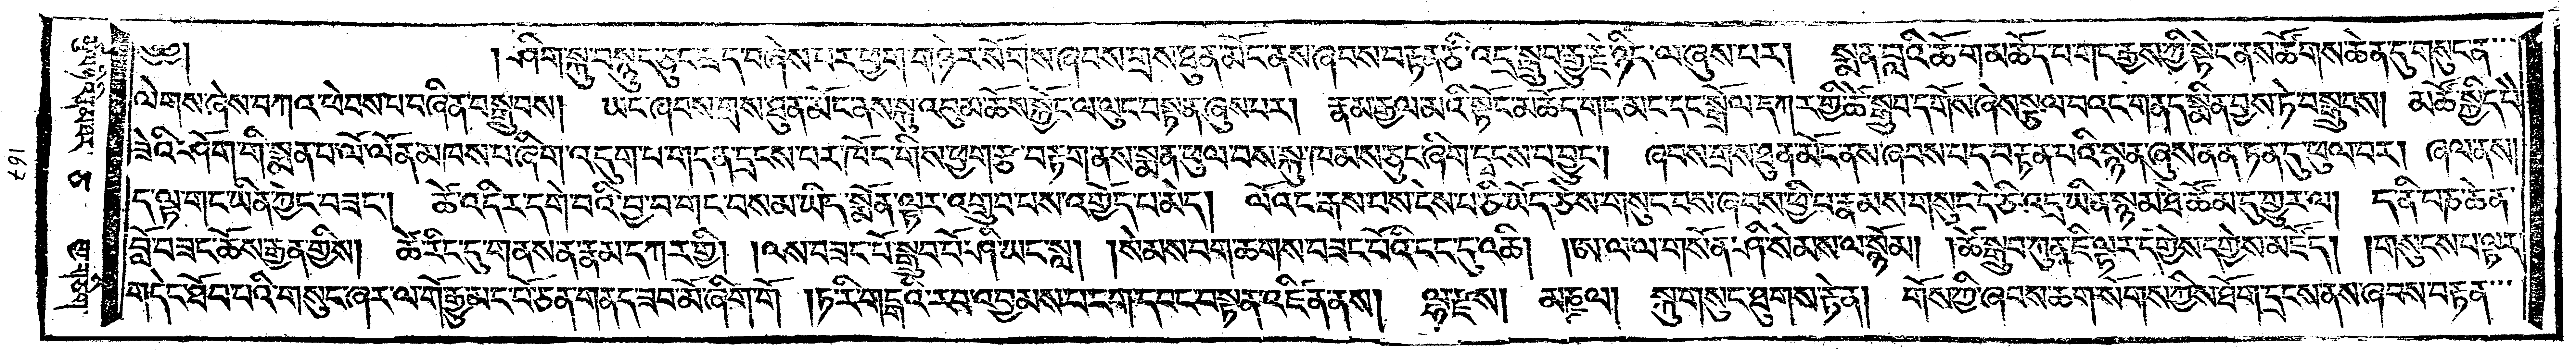༄༅། །ཤིག་སྐུ་བསྙུང་ཅུང་ཟད་བཞེས་པར་ཕྱག་གཉེར་སོགས་ཞབས་གྲས་ཐུན་མོང་ནས་ཞབས་བརྟན་ཅི་འདྲ་སྒྲུབ་རྒྱུ་རྗེ་ཉིད་ལ་ཞུས་པར། སྨན་བླའི་ཆོ་ག་མཆོད་པ་གང་རྒྱས་ཀྱི་སྟེང་ནས་ཚོགས་ཆེན་དུ་གསུང་ན་
ལེགས་ཞེས་བཀའ་ཕེབས་པ་བཞིན་བསྒྲུབས། ཡང་ཞབས་གྲས་ཐུན་མོང་ནས་སྐུ་འབུམ་ཆོས་སྐྱོང་ལ་ལུང་བསྟན་ཞུས་པར། རྣམ་རྒྱལ་མའི་སྟོང་མཆོད་གང་མང་དང་སྒྲོལ་དཀར་གྱི་ཚེ་སྒྲུབ་དགོས་ཞེས་སྩལ་བའང་གནད་སྨིན་བྱས་ཏེ་བསྒྲུབ། མཚོ་སྐྱིད་པཻ་
ཟེའི་ཤོག་གི་སྨན་པ་ལོ་ལོན་མཁས་པ་ཞིག་འདུག་པ་གདན་དྲངས་པར་ཁོང་གིས་ཕྱག་རྩ་བརྟག་ནས་སྨན་ཕུལ་བས་སྐུ་ཁམས་ཅུང་ཞིག་དྭངས་པ་བྱུང་། ཞབས་གྲས་ཐུན་མོང་ནས་ཞབས་པད་བརྟན་པའི་སྙན་ཞུས་ནན་ཏན་དུ་ཕུལ་བར། ཞལ་ནས།
ད་ལྟ་གང་ཡིན་ཀྱང་བཟང་། ཚེ་འདིར་དགེ་བའི་བྱ་བ་གང་བསམ་ཡིད་སྨོན་ལྟར་འགྲུབ་པས་འགྱོད་པ་མེད། ལོའང་རྒས་བས་ངེས་པ་ཅི་ཡོད་ཅེས་གསུང་པས་ཞབས་ཕྱི་པ་རྣམས་གསུང་དེ་ཅི་འདྲ་ཡིན་སྙམ་ཐེ་ཚོམ་དུ་གྱུར་ལ། ད་ནི་པཎ་ཆེན་
བློ་བཟང་ཆོས་རྒྱན་གྱིས། ཚེ་རིང་དུ་གནས་ན་རྣམ་དཀར་གྱི། །ལས་བཟང་པོ་སྒྲུབ་པོ་ཤི་ཡང་སླ། །སེམས་བག་ཆགས་བཟང་པོའི་ངང་དུ་འཆི། །ཨ་ལ་ལ་གསོན་ཤི་སེམས་ལ་སྙོམ། །ཚེ་སྒྲུབ་ཀུན་ཇི་ལྟར་དགྱེས་དགྱེས་མཛོད། །གསུངས་པ་ལྟར་
གདེང་ཐོབ་པའི་གསུང་ཞར་ལ་གོ་རྒྱུ་མང་པོ་ཅན་གནད་ཟབ་མོ་ཞིག་གོ། །ཏ་རི་གངྒའི་རབ་འབྱམས་པ་ངག་དབང་བསྟན་འཛིན་ནས། ལྷ་རྫས། མཎྜལ། སྐུ་གསུང་ཐུགས་རྟེན། གོས་ཀྱི་ཞབས་ཆག་སོགས་ཀྱིས་ཐོག་དྲངས་ནས་ཞབས་བརྟན་